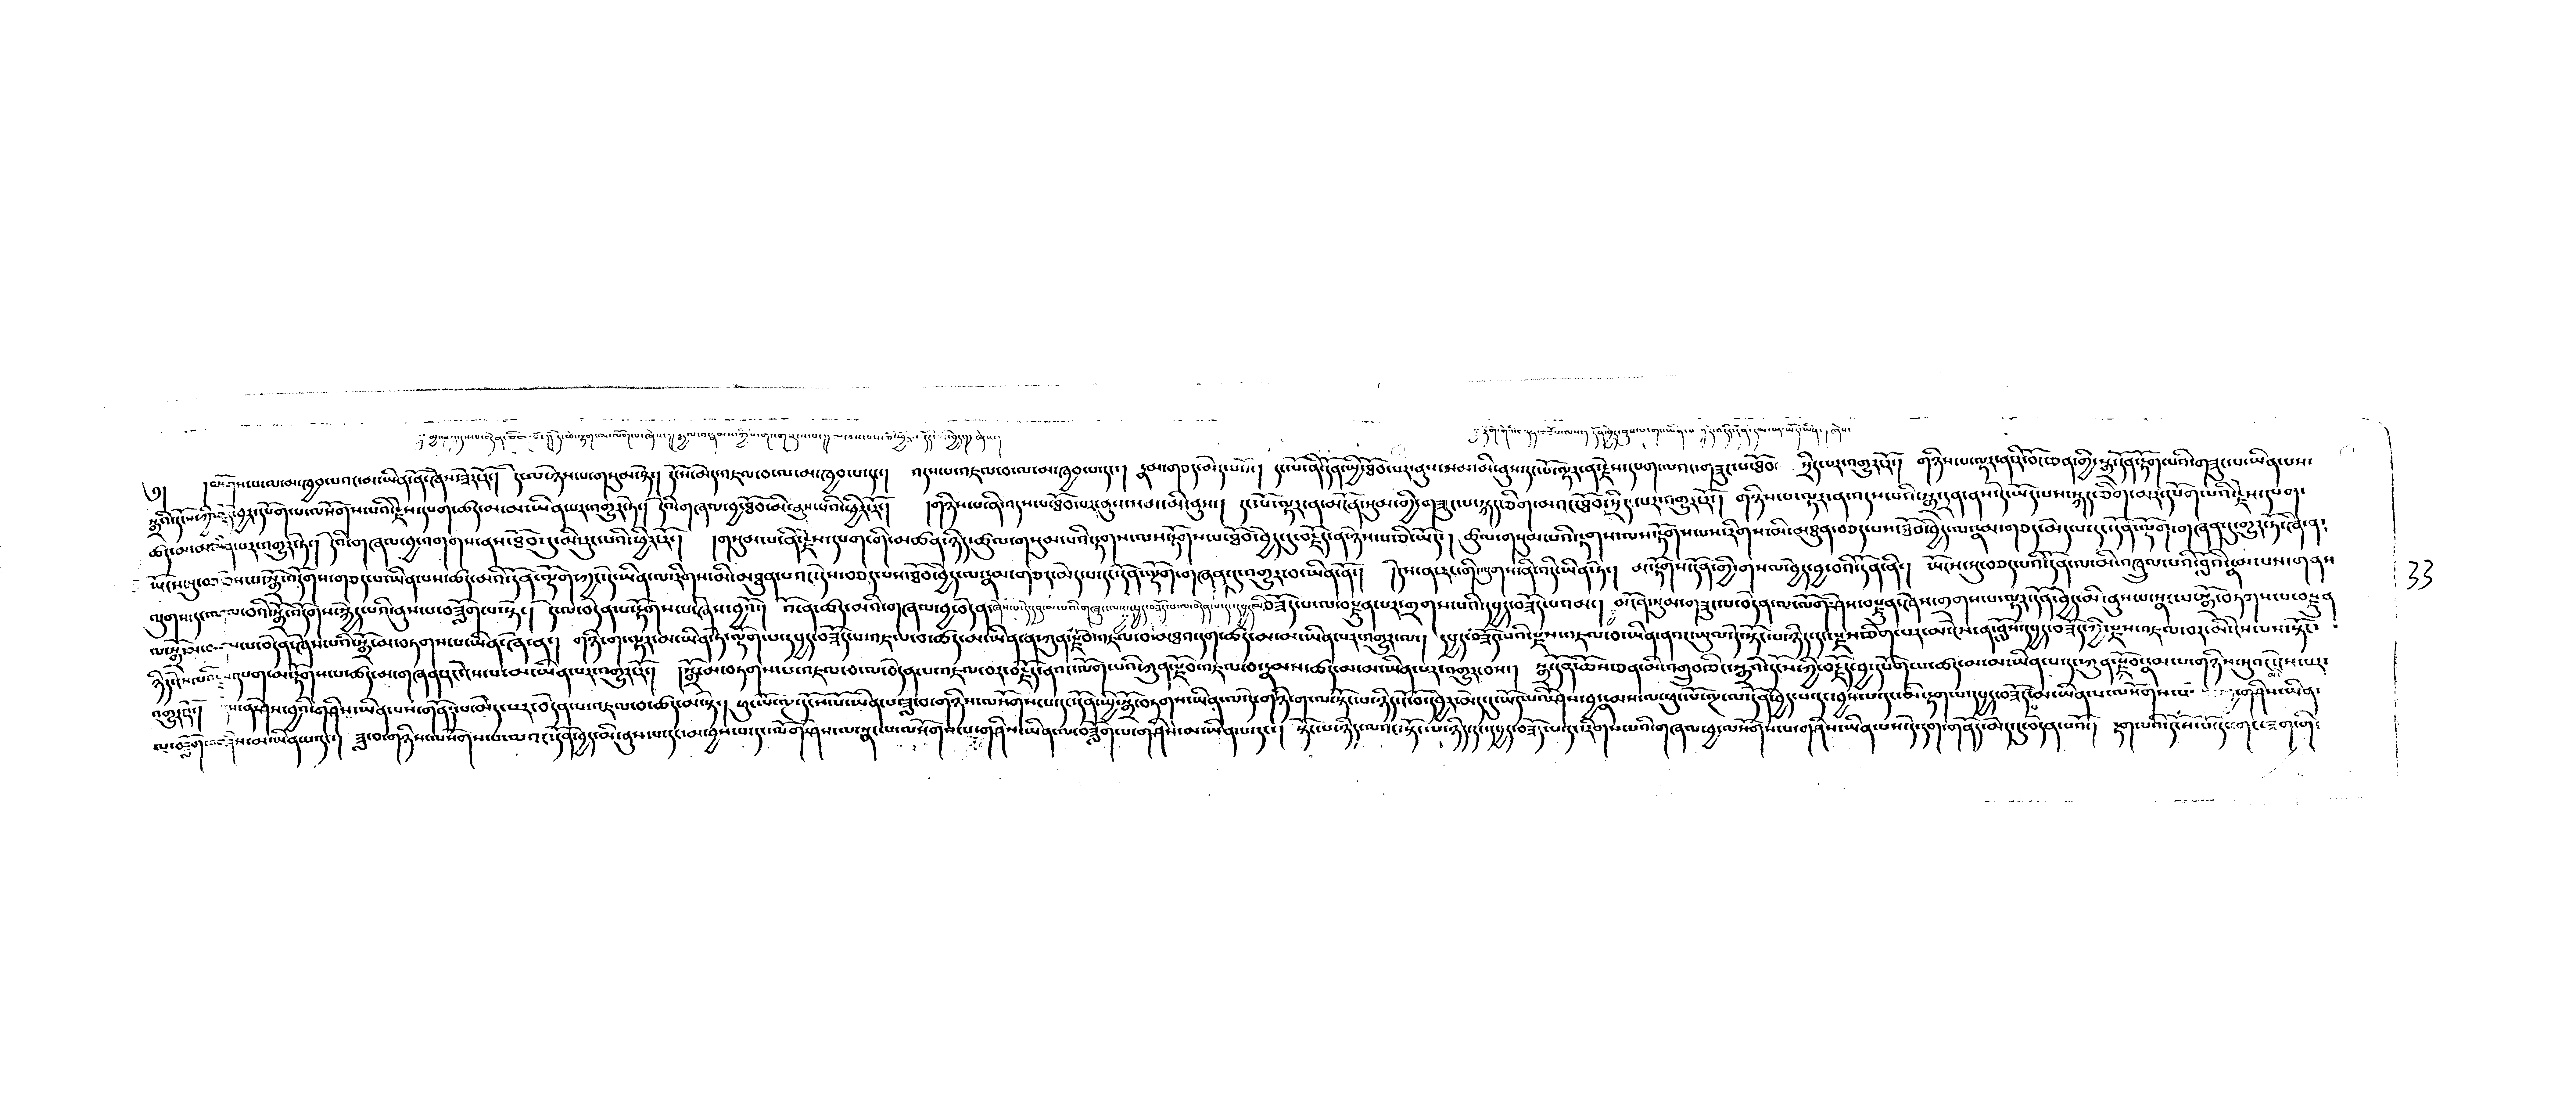༄༅། །ལ་སོགས་པ་ལ་མ་ཁྱབ་པའང་མ་ཡིན་ནོ་ཞེས་ཟེར་རོ། དེ་ལ་ཉེས་པ་གསུམ་སྟེ། དངོས་མེད་འཇལ་བ་ལ་མ་ཁྱབ་པ་དང་། འདས་པ་འཇམ་བ་ལ་མ་ཁྱབ་པ་དང་། རྣམ་གཅད་མེད་པའོ། དང་པོ་ནི་དོན་སྤྱི་ཐོབ་པར་ནུས་སམ་མི་ནུས་དང་པོ་ལྟར་ན་རྗེས་དཔག་ལའང་གཟུང་པ་ཐོབ་སྲིད་པར་འགྱུར་རོ། གཉིས་པ་ལྟར་ན་རི་བོང་ཅན་གྱི་སྒྲ་དོན་རྟོག་པའི་གཟུང་པ་ཡིན་པས་
སྒྲའི་དངོས་ཀྱི་བརྗོད་བྱ་དཔོག་པ་ལ་སོགས་པའི་རྗེས་དཔག་ཚད་མ་མ་ཡིན་པར་འགྱུར་ཏེ། དེའི་གཞལ་བྱ་ཐོབ་མི་ནུས་པའི་ཕྱིར་རོ། །གཉིས་པ་ནི་འདས་པ་ཐོབ་པར་ནུས་པ་མ་མི་ནུས། དང་པོ་ལྟར་ན་མངོན་སུམ་གྱི་གཟུང་པ་སྐད་ཅིག་མའང་ཐོབ་སྲིད་པར་འགྱུར་རོ། གཉིས་པ་ལྟར་ན་འདས་པའི་སྒྲ་དྲན་ནས་དེ་ཡོད་པས་སྐད་ཅིག་མར་དཔོག་པའི་རྗེས་དཔག་
ཚད་མ་བཞིན་པར་འགྱུར་ཏེ། དེའི་གཞལ་བྱ་འགགས་ནས་ཐོབ་དུ་མི་རུང་པའི་ཕྱིར་རོ། །གསུམ་པ་ནི་རྗེས་དཔག་གི་མཚན་ཉིད་ཚུལ་གསུམ་པའི་རྟགས་ལས་རྟོགས་པ་ཐོབ་བྱེད་དུ་བརྗོད་ན་ཉེས་པ་ཅི་ཡོད། ཚུལ་གསུམ་པའི་རྟགས་ལས་རྟོགས་པས་རིགས་མི་མཐུན་བཅད་པས་ཐོབ་བྱེད་ལ་སྣམ་གཅད་མེད་པ་དང་དོན་ལྡོག་གཞན་དུ་གྱུར་ཏོ་ཞེ་ན༑
ཡོངས་སུ་བར་ཅེས་པ་སྒྲོ་འདོགས་གཅད་པ་ཡིན་པས་ཚད་མའི་དོན་ལྡོག་ཀྱང་དེ་ཡིན་ལ་རིགས་མི་མཐུན་པའང་དེས་བཅད་པས་ཐོབ་བྱེད་ལ་རྣམ་གཅད་མེད་པ་དང་དོན་ལྡོག་གཞན་དུ་འགྱུར་བ་ཡིན་ནོ། །དེས་ན་རང་གི་ལུགས་ནི་འདི་ཡིན་ཏེ། མ་རྟོགས་དོན་གྱི་གསལ་བྱེད་བྱ་བའི་དོན་ནི། ཡོངས་སུ་བཅད་པའི་དོན་ལ་མི་འཁྲུལ་པའི་བློའི་རྣམ་པས་གནས་
ལུགས་དང་འགལ་བའི་སྒྲོ་འདོགས་སྐྱེད་པའི་ནུས་པ་བཟློག་པ་སྟེ། དེ་ལ་བདེན་པ་རྟོགས་པ་ཞེས་བྱའོ། འོ་ན་ཚད་མའི་གཞལ་བྱ་བདེན་ཞེས་པ་དེ་དབུ་མ་པའི་གཞུང་ལས།མྱ་ངན་འདས་པ་བདེན་ཅིག་པོ། དེ་ཚེ་ལྷག་མ་ལོག་པ་ཟེས། རགཡལ་བ་རྣྨས་ཀྱི་གང་གསུངས་པ། མཁས་པས་ཅི་ཕྱིར་འདོད་མི་བྱེད། ཞེས་དཔྱད་བཟོད་པ་ལ་བདེན་པ་དང་དཔྱད་མི་བཟོད་པ་ལ་བརྫུན་པར་གྲགས་པའི་དཔྱད་བཟོད་པའམ། རྟོག་གེའི་བསྟན་བཅོས་ལས། དོན་བྱེད་ནུས་པ་གང་ཡིན་པ། དེ་འདིར་དོན་དམ་པར་ཡོད་མིན། ཞེས་མངོན་སུམ་གཟུང་པ་བདེན་ལ་ལོག་ཤེས་བརྫུན་ཞེས་གྲགས་པ་ལྟར་དོན་བྱེད་མི་ནུས་པ་སྣང་པ་སྒྲོ་བཏགས་པ་བརྫུན་
ལ་སྒྲོ་མ་བཏགས་པ་བདེན་ཞེས་པའི་སྒྲོ་མ་བཏགས་པ་ཡིན་ཞེ་ན། གཉི་ག་ལྟར་མ་ཡིན་ཏེ་ལྡོག་པ་དཔྱད་བཟོད་པ་འཇལ་བ་ཚད་མ་ཡིན་ན་ཀུན་རྫོབ་འཇལ་བ་མཐའ་དག་ཚད་མ་མ་ཡིན་པར་འགྱུར་ལ། དཔྱད་བཟོད་པའི་རྫས་འཇལ་བ་ཡིན་ནའང་ཡུལ་དེ་སྟོང་པ་ཉིད་དང་རྫས་ཅིག་པར་མ་ངེས་ན་བློས་དཔྱད་བཟོད་ཀྱི་རྫས་འཇལ་བར་མི་ངེས་པས་སྟོང་
ཉིད་ངེས་པའི་རྗེ་དཔག་མི་རྟོགས་པ་ཚད་མ་གཞན་རང་ངེས་པ་མ་ཡིན་པར་འགྱུར་རོ། །སྒྲོ་མ་བཏགས་པ་འཇལ་བ་ལ་བདེན་པ་འཇལ་བ་བརྗོད་ནའང་ལོག་པའི་ཀུན་རྫོབ་འཇལ་བ་རྣམས་ཚད་མ་མ་ཡིན་པར་འགྱུར་བས། སྒྲ་དོར་ཆོས་ཅན་མི་འགྲུབ་ཅིང་སྒྲའི་ངོས་ཀྱི་བརྗོད་བྱ་དཔོག་པ་ཚད་མ་མ་ཡིན་པ་དང་ཀུན་རྫོབ་རྣམ་པ་གཉིས་སུའང་མ་ངེས་པར་
འགྱུར་རོ། དེས་ན་ཤེས་བྱའི་གཤིས་ཡིན་པས་གནོད་པ་མེད་པར་བདེན་པ་འཇལ་བ་ཚད་མ་སྟེ། ཕུང་པོ་ལྔ་དངོས་པོ་ཡིན་པ་ཟླ་བ་གཉིས་ལ་སོགས་པ་དང་དོན་སྤྱི་སྒྲོ་བཏགས་ཡིན་ལ་དེ་གཉི་ག་ལ་སྟོང་པ་ཉིད་ངོ་བོ་དབྱེར་མེད་དུ་ཡོད་པའི་ཤེས་བྱ་རྣམས་ལ་ཕུང་པོ་ལྔ་ལ་དོན་བྱེད་པ་དང་བྱས་པ་དང་མི་རྟག་པ་དཔྱད་བཟོད་པ་མ་ཡིན་པ་ལ་སོགས་པ་གཤིས་ཡིན་
ལ་བཟློག་གཤིས་མ་ཡིན་པ་དང་། ཟླ་བ་གཉིས་ལ་སོགས་པ་མའང་དོན་བྱེད་མི་ནུས་པ་དང་མ་བྱས་པ་དང་ལོག་ཤས་ལ་སྣང་པ་ལ་སོགས་པ་གཤིས་ཡིན་པས་བཟློག་པ་གཤིས་མ་ཡིན་པ་དང་། སྟོང་པ་ཉིད་ལའང་སྟོང་པ་ཉིད་དང་དཔྱད་བཟོད་པ་དང་རིགས་པའི་གཞལ་བྱ་ལ་སོགས་པ་གཤིས་ཡིན་པས་དེ་དག་གནོད་མེད་དུ་བདེན་པའོ། རྟག་པའི་དངོས་པོ་དང་གང་ཟག་གི་